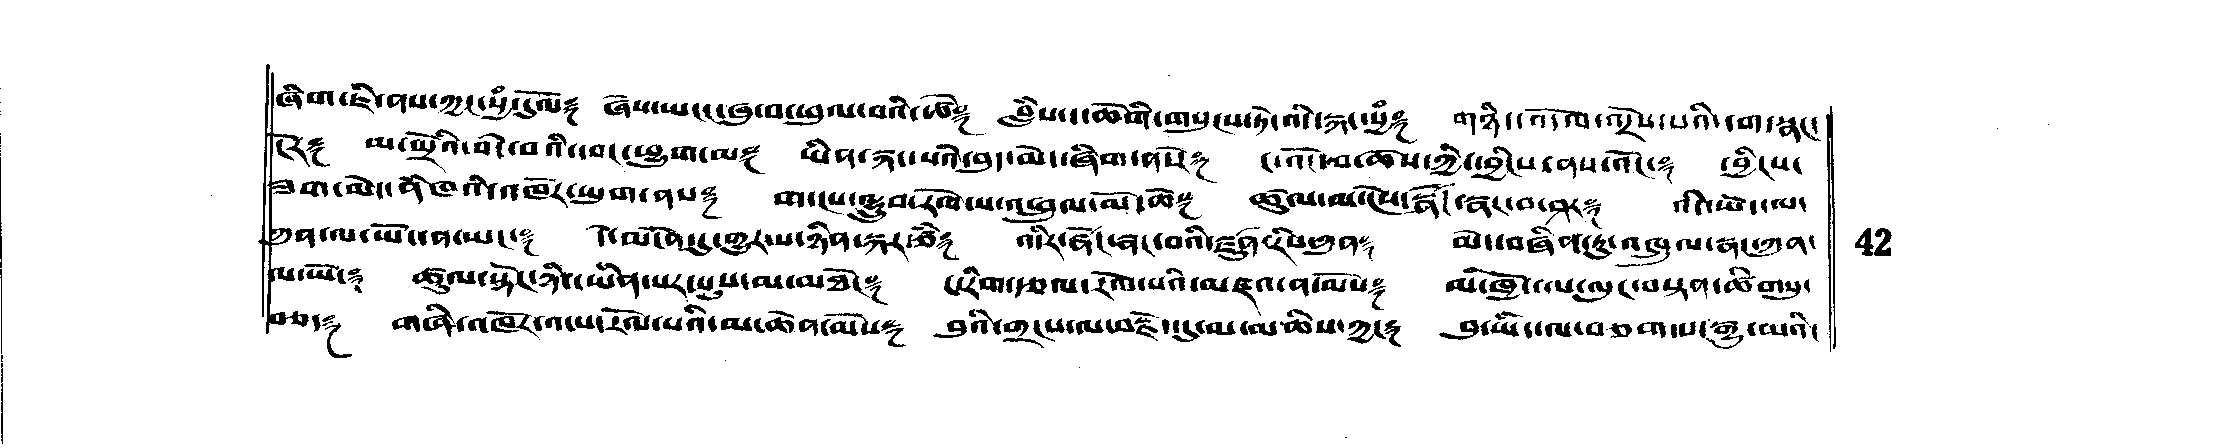ཞིག་ཅི་ནས་ཀྱང་གསུང་དུ་གསོལ།ཞེས་ཡང་ཡང་ཞུ་བ་ཕུལ་བའི་ཚེ། བླ་མས་ད་ཆོག་གི་གསུངས་ཏེ་འདི་སྐད་གསུང་། གཉིད་འོད་གསལ་འདྲེས་པའི་དག་སྣང་
ངོར། །མ་མཁའ་འགྲོ་བདེ་བའི་དབང་ཕྱུག་མ། །ཡིན་སྐད་པའི་བུད་མེད་ཞིག་ན་རེ། །ང་འོང་བ་ཆོས་ཀྱི་དབྱིངས་ནས་འོང་། །དབྱིངས་
ཟག་མེད་ནམ་མཁའི་འཁོར་ཡུག་ནས། །གདངས་ལྷུན་གྲུབ་རོལ་པ་འཕྲུལ་མོ་ཆེ། །ཚུལ་མ་ངེས་སྣ་ཚོགས་སྣང་བ་ཤར། །འདི་ཡོད་པ་
ཀུན་ལ་ཡོད་ན་ཡང་། །དེ་མངོན་དུ་གྱུར་པ་ཉིན་སྐར་ཙམ། །འདིར་སྣ་ཚོགས་སྣང་བའི་རྫུན་རིས་ཀུན། །མེད་བཞིན་དུ་འཁྲུལ་སྣང་ཀུན་
ལ་ཡོད། །ཚུལ་སྟོང་ཉིད་ཡིན་པར་སུས་མ་མཐོང་། །ང་རིག་རྩལ་རོལ་པའི་མཛའ་ན་མོས། །མི་ཁྱོད་ལ་ལུང་བསྟན་ཚིགས་སུ་
བཅད། །གཞི་འཁོར་འདས་རོལ་པའི་མ་ཆེན་མོས། །བུའི་གྲངས་ལ་བརྗེད་དུ་མ་མཆིས་ཀྱང་། །བུ་ཡིད་ལ་བཅག་པ་སྒྱུ་མའི་